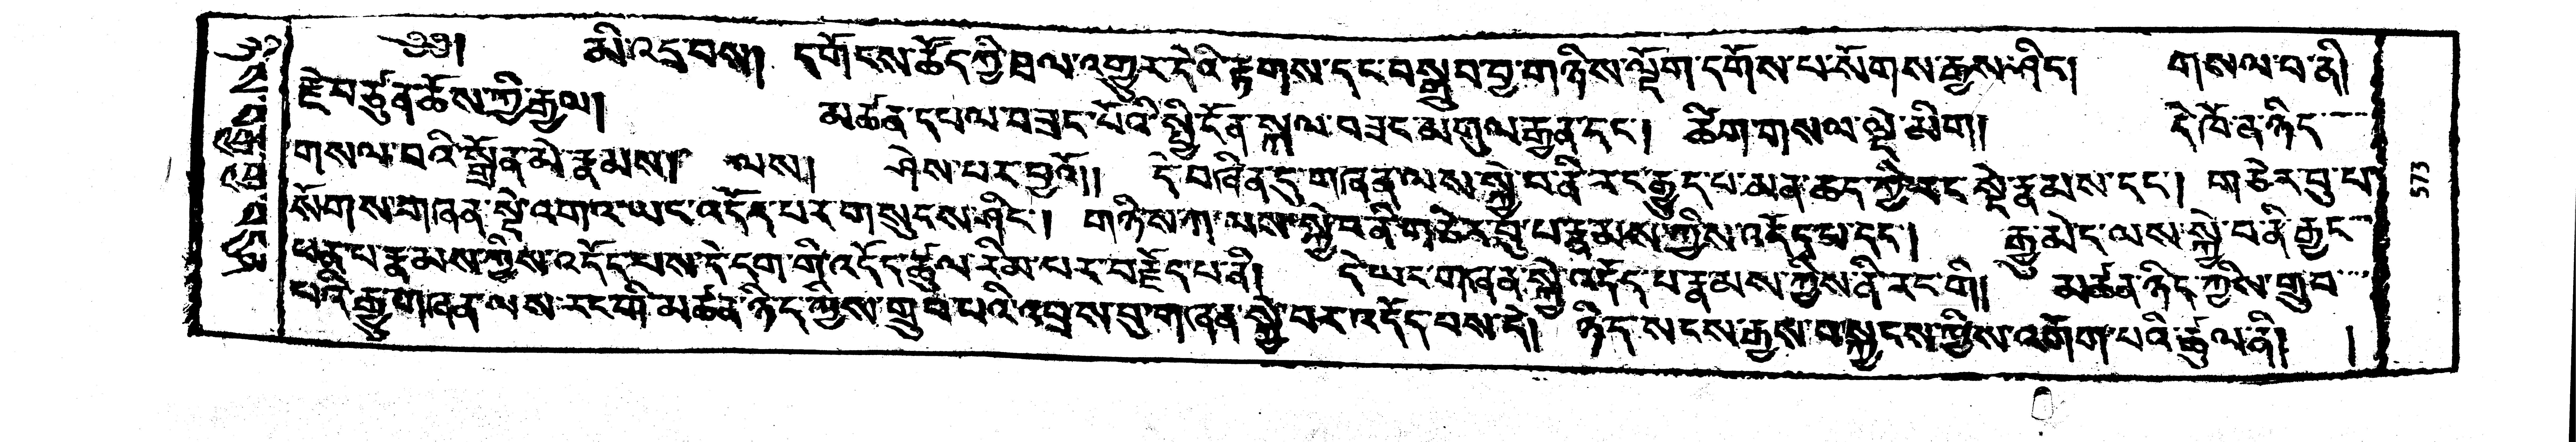༄༅། །མི་འདྲ་བས། དགོངས་ཚོད་ཀྱི་ཐལ་འགྱུར་དེའི་རྟགས་དང་བསྒྲུབ་བྱ་གཉིས་ལྡོག་དགོས་པ་སོགས་རྒྱས་ཤིང་། གསལ་བ་ནི།
རྗེ་བཙུན་ཆོས་ཀྱི་རྒྱལ། མཚན་དཔལ་བཟང་པོའི་སྤྱི་དོན་སྐལ་བཟང་མགུལ་རྒྱན་དང་། ཚིག་གསལ་ལྡེ་མིག། དེ་ཁོ་ན་ཉིད་
གསལ་བའི་སྒྲོན་མེ་རྣམས། ལས། ཤེས་པར་བྱའོ།། དེ་བཞིན་དུ་གཞན་ལས་སྐྱེ་བ་ནི་རང་རྒྱུད་པ་མན་ཆད་ཀྱི་རང་སྡེ་རྣམས་དང་། གཅེར་བུ་པ་
སོགས་གཞན་སྡེ་འགའ་ཡང་འདོད་པར་གསུངས་ཤིང་། གཉིས་ཀ་ལས་སྐྱེ་བ་ནི་གཅེར་བུ་པ་རྣམས་ཀྱིས་འདོད་པ་དང་། རྒྱུ་མེད་ལས་སྐྱེ་བ་ནི་རྒྱང་
ཕན་པ་རྣམས་ཀྱིས་འདོད་པས་དེ་དག་གི་འདོད་ཚུལ་རིམ་པར་བརྗོད་པ་ནི། དེ་ཡང་གཞན་སྐྱེ་འདོད་པ་རྣམས་ཀྱིས་ནི་རང་གི། མཚན་ཉིད་ཀྱིས་གྲུབ་
པའི་རྒྱུ་གཞན་ལས་རང་གི་མཚན་ཉིད་ཀྱིས་གྲུབ་པའི་འབྲས་བུ་གཞན་སྐྱེ་བར་འདོད་པས་དེ། ཉིད་སངས་རྒྱས་བསྐྱངས་ཀྱིས་འགོག་པའི་ཚུལ་ནི། །